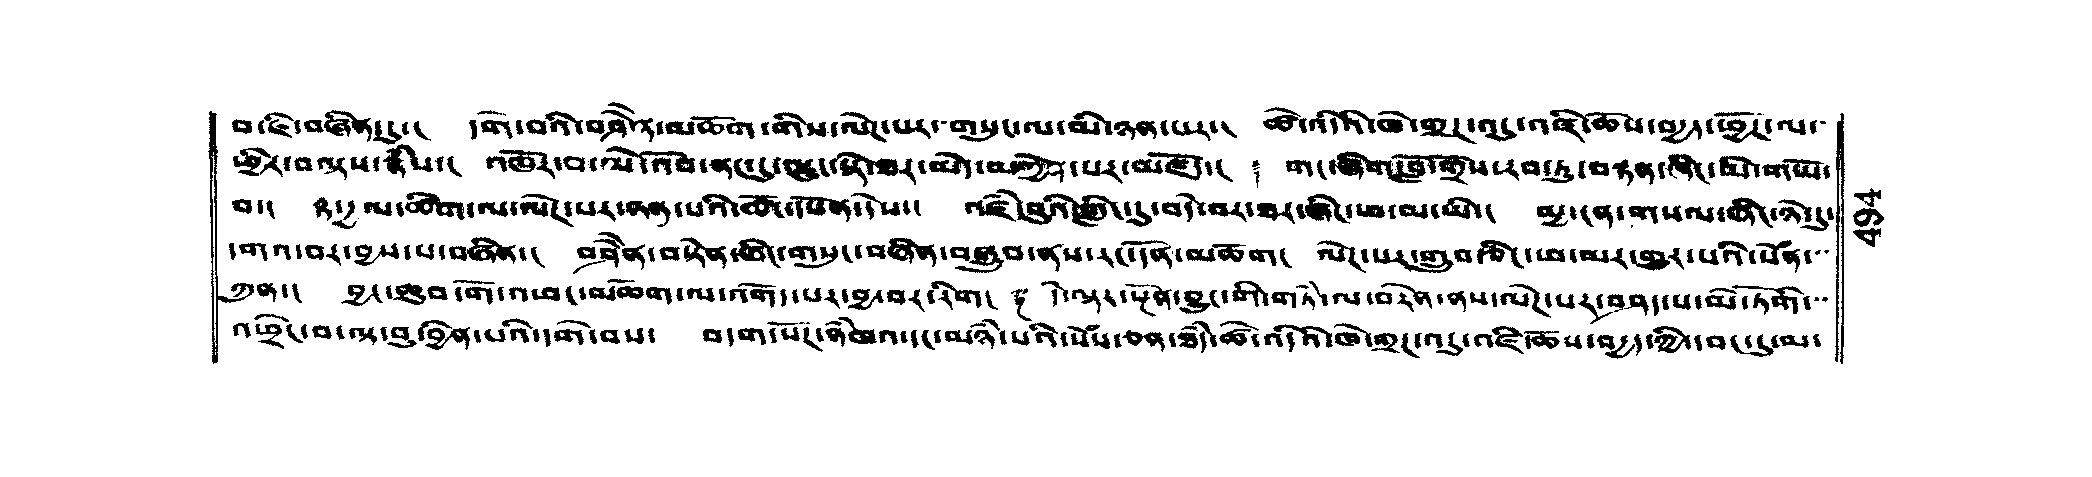བ་ཇི་བཞིན་དུ། །དགེ་བའི་བཤེས་གཉེན་མཆོག་གིས་ལེགས་པར་གསུངས་ལ་མི་ཉན་པར། །ཚེ་འདིའི་ཁེ་གྲགས་འདུ་འཛི་ཆོས་བརྒྱད་ཕྱོགས་ལ་
ཕྱིར་བལྟས་རྣམས། །འཁོར་བ་་མེ་འོབས་ནང་དུ་ལྷུང་སྟེ་ཐར་མེད་མཁྱེན་པར་མཛོད། །གང་ཞིག་བློ་གྲོས་རབ་ཏུ་བརྟན་ཞིང་མི་གཡོ་
བ། །རྟ་རྒྱལ་ཚིག་ལ་ལེགས་པར་ཉན་པའི་ཚོང་དཔོན་དེས། །འཛམ་བུའི་གླིང་དུ་བདེ་བར་ཐར་ཞིང་ཕ་མ་ཡི། །མྱ་ངན་བསལ་ཞིང་ཉེ་དུ་
དགའ་བར་བྱས་པ་བཞིན། །བཤེས་གཉེན་བསྟེན་ཞིང་གསུང་བཞིན་བསྒྲུབས་ནས་རང་དོན་མཆོག །ལེགས་པར་གྲུབ་ཅིང་ཕ་མར་གྱུར་པའི་སེམས་ཅན་
ཀུན། །བྱང་ཆུབ་གོ་འཕང་མཆོག་ལ་འགོད་པར་བྱ་བར་རིགས།། དེ་ལྟར་སྔོན་བྱུང་གི་གཏམ་ལ་བརྟེན་ནས་ལེགས་པར་བཤད་པ་མེ་ཏོག་གི་
འཕྲེང་བ་ལྟ་བུ་བྱིན་པའི་དགེ་བས། བདག་སོགས་ནམ་མཁའ་དང་མཉམ་པའི་སེམས་ཅན་ཐམས་ཅད་ཚེ་འདིའི་ཁེ་གྲགས་འདུ་འཛི་ཆོས་བརྒྱད་ཀྱི་དབང་དུ་མ་